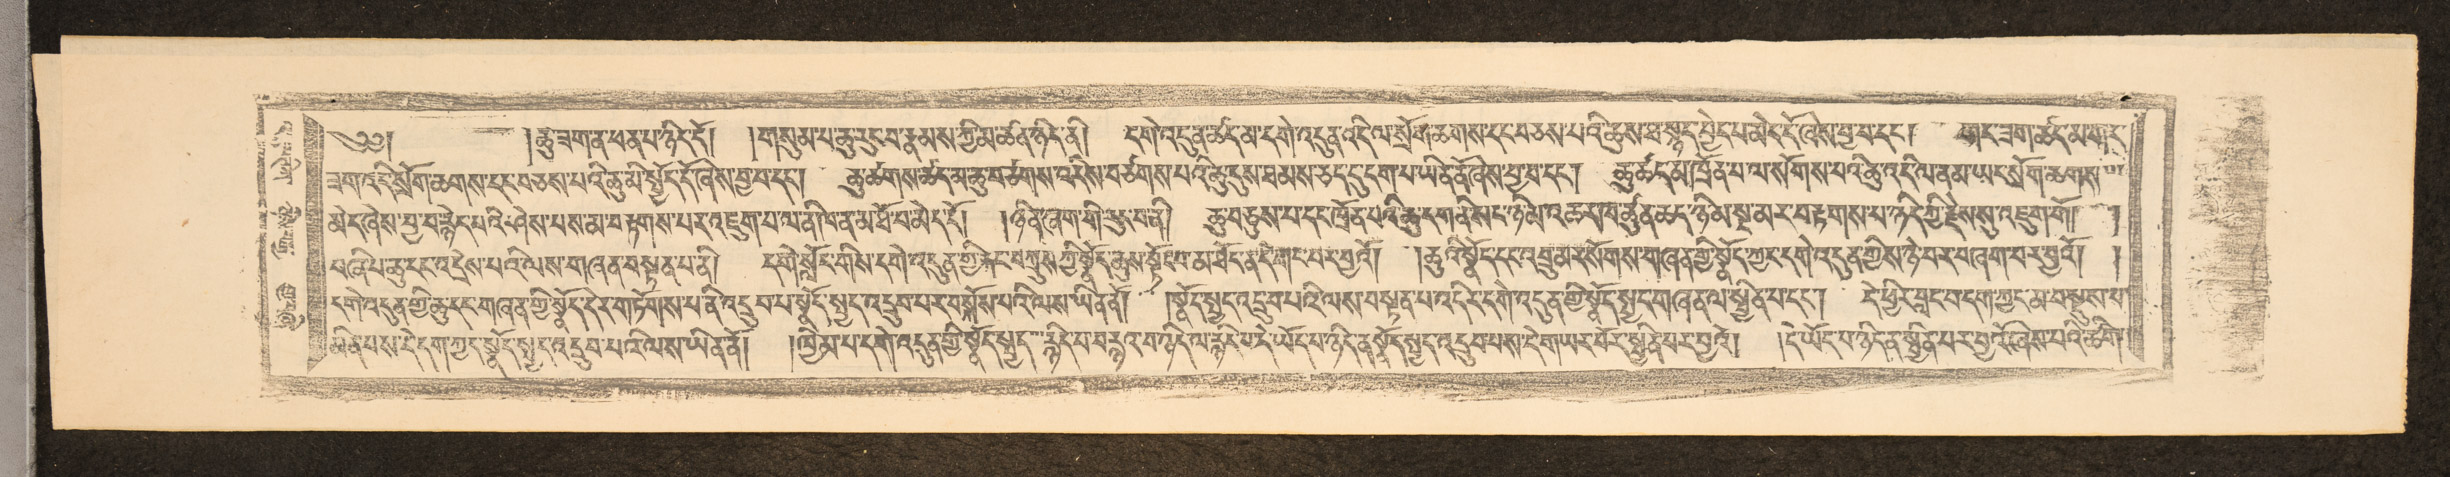༄༅། །ཚུ་ཟག་ན་ཕན་པ་ཉིད་དོ། །གསུམ་བ་ཆུ་རུང་བ་རྣམས་ཀྱི་མཚན་ཉིད་ནི། དགེ་འདུན་ཚད་མ་དགེ་འདུན་འདི་ལ་སྲོག་ཆགས་དང་བཅས་པའི་ཆུས་ཐ་སྙད་བྱེད་པ་མེད་དོ་ཞེས་བྱ་བ་དང་། གང་ཟག་ཚད་མ་གང་
ཟག་འདི་སྲོག་ཆགས་དང་བཅས་པའི་ཆུ་མི་སྦྱོད་དོ་ཞེས་བྱ་བ་དང་། ཆུ་ཚགས་ཚད་མ་ཆུ་བཙགས་འདིས་བཙགས་པའི་ཆུ་དུས་ཐམས་ཅད་དུ་དག་པ་ཡིན་ནོ་ཞེས་བྱ་བ་དང་། ཆུ་ཚད་མ་ཁྲོན་པ་ལ་སོགས་པའི་ཆུ་འདི་ལ་ནམ་ཡང་སྲོག་ཆགས་
མེད་ཞོས་བྱ་བ་རྙེད་པའི་ཤེས་བསམ་བརྟགས་པར་འཇུག་པ་ལ་ནི་ཁ་ན་མ་ཐོ་བ་མེད་དོ། །ཉིན་ཞག་གི་རུང་བ་ནི། ཆུ་བཅུས་པ་དང་ཁྲོན་པའི་ཆུ་དག་ནི་སང་ཉི་མ་འཆར་ཁ་ཚུན་ཆད་ཉི་མ་སྔ་མར་བརྟགས་པ་ཉིད་ཀྱི་རྗེས་སུ་འཇུག་གོ། །
བཞི་པ་ཆུ་དང་འདྲེས་པའི་ལས་གཞན་བསྟན་པ་ནི། དགེ་སློང་གིས་དགེ་འདུན་གྱི་རྐང་བཀྲུས་ཀྱི་སྣོད་ཆུས་སྟོར་པ་མཐོང་ན་དགང་བར་བྱའོ། །ཆུའི་སྣོད་དང་འབྲུ་མར་སོགས་གཞན་གྱི་སྣོད་ཀྱང་དགེ་འདུན་གྱིས་ཉེ་བར་བཞག་པར་བྱའོ། །
དགེ་འདུན་གྱི་ཆུ་དང་གཞན་གྱི་སྣོད་དེར་གཏོགས་པ་ནི་འདྲུབ་པ་སྣོད་སྦྱད་འདྲུབ་པར་བསྐོས་པའི་ལས་ཡིན་ནོ། །སྣོད་སྦྱད་འདྲུབ་པའི་ལས་བསྟན་པ་འདིར་དགེ་འདུན་གྱི་སྣོད་སྤྱད་གཞན་ལ་སྦྱིན་པ་དང་། དེ་སྤྱིར་བླང་བ་དག་ཀྱང་མ་བསྡུས་པ་
མིན་པས་དེ་དག་ཀྱང་སྣོང་སྦྱད་འདྲུབ་པའི་ལས་ཡིན་ནོ། །ཁྱིམ་པ་དགེ་འདུན་གྱི་སྣོད་སྦྱད་རྙིང་པ་བརྙའ་བ་ཉིང་ལ་རྙིང་བདེ་ཡོད་པ་ཉིད་ན་སྣོད་སྤྱད་འདྲུབ་བས་དེ་གཡར་བོར་སྦྱིན་པར་བྱའོ། །དེ་ཡོང་པ་ཉིད་ན་སྦྱིན་པར་བྱའོ་ཞེས་པའི་ཚིག་